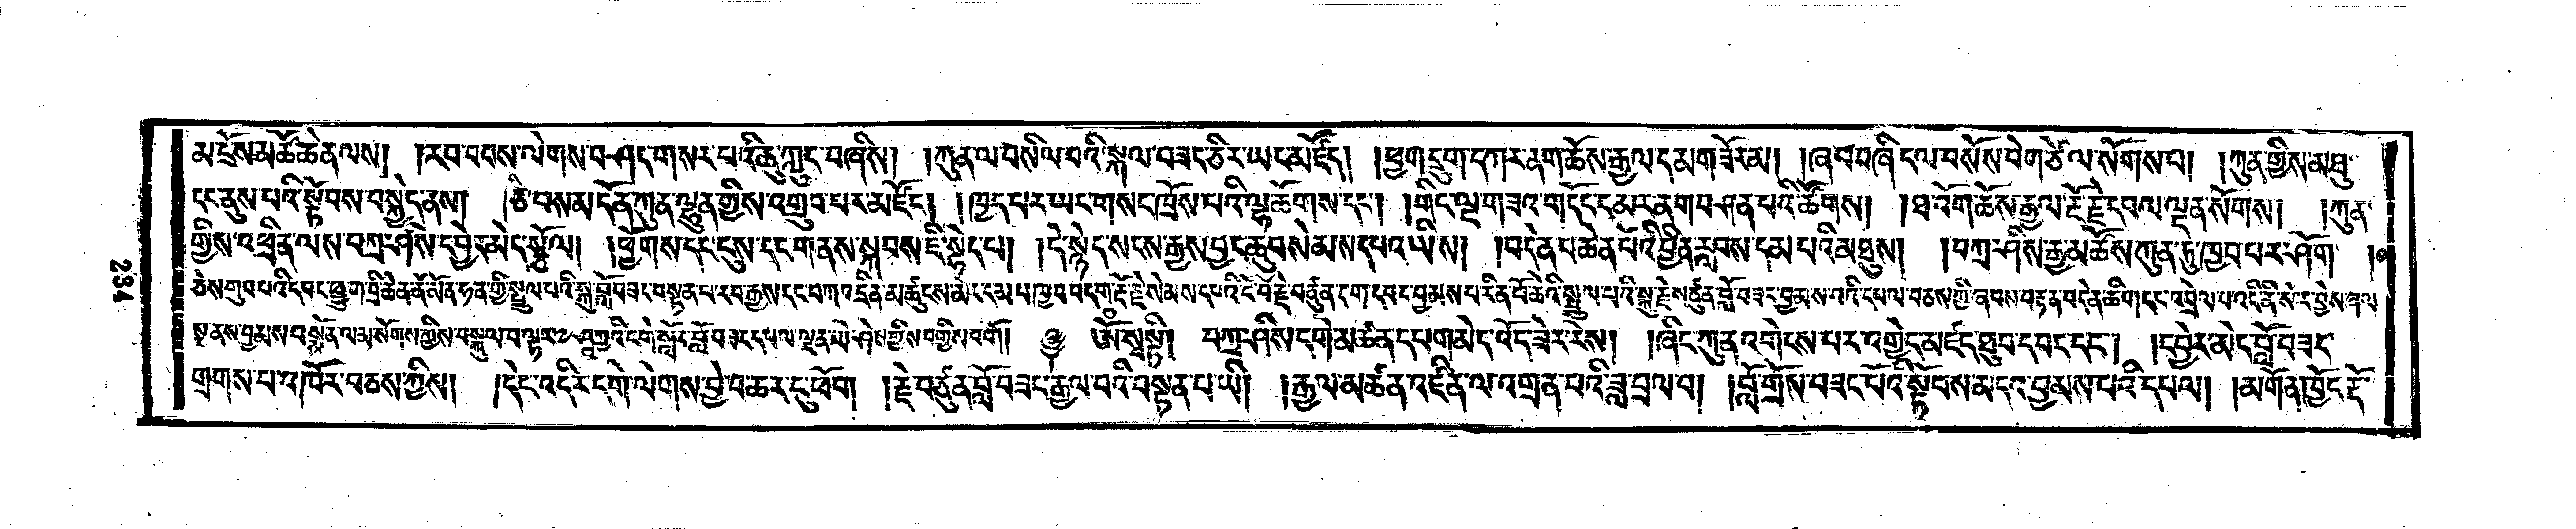མ་དྲོས་མཚོ་ཆེན་ལས། །རབ་བབས་ལེགས་བཤད་གསར་པའི་ཆུ་ཀླུང་བཞིས། །ཀུན་ལ་བསིལ་བའི་སྐལ་བཟང་ཅིར་ཡང་མཛོད། །ཕྱག་དྲུག་དཀར་ནག་ཆོས་རྒྱལ་དམག་གཟོར་མ། །ཞབ་བཞི་ངལ་བསོས་བེག་ཙེལ་སོགས་པ། །ཀུན་གྱིས་མཐུ་
དང་ནུས་པའི་སྟོབས་བསྐྱེད་ནས། །ཅི་བསམ་དོན་ཀུན་ལྷུན་གྱིས་འགྲུབ་པར་མཛོད། །ཁྱད་པར་ཡང་གསང་ཁྲོས་པའི་ལྷ་ཚོགས་དང་། །གིང་ལྔ་གཟའ་གདོང་དམར་ནག་བཤན་པའི་ཚོགས། །ཐ་འོག་ཆོས་རྒྱལ་རྡོ་རྗེ་དཔལ་ལྡན་སོགས། །ཀུན་
གྱིས་འཕྲིན་ལས་བཀྲ་ཤིས་དབྱེར་མེད་སྩོལ། །ཕྱོགས་དང་དུས་དང་གནས་སྐབས་ཇི་སྟེད་པ། །དེ་སྙེད་སངས་རྒྱས་བྱང་ཆུབ་སེམས་དཔའ་ཡིས། །བདེན་པ་ཆེན་པོའི་བྱིན་རླབས་དམ་པའི་མཐུས། །བཀྲ་ཤིས་རྒྱ་མཚོས་ཀུན་ཏུ་ཁྱབ་པར་ཤོག །
ཅེས་གུས་པའི་དབང་ཕྱུག་བྲི་ཆེན་ནོ་མོན་ཧན་གྱི་སྤྲུལ་པའི་སྐུ་བློ་བཟང་བསྟན་པ་རབ་རྒྱས་དང་བཀའ་དྲིན་མཚུངས་མེད་དམ་པ་ཁྱབ་བདག་རྡོ་རྗེ་སེམས་དཔའི་ངོ་བོ་རྗེ་བཙུན་ངག་དབང་བྱམས་པ་རིན་པོ་ཆེའི་སྤྲུལ་པའི་སྐུ་རྗེས་ཙུན་བློ་བཟང་བྱམས་པའི་དཔལ་བཅས་ཀྱི་ཞབས་བརྟན་བདེན་ཚིག་དང་འབྲེལ་པ་འདི་ནི་སེ་ར་བྱེས་ཞལ་
སྔ་ནས་བྱམས་བསྨོན་ལམ་སོགས་ཀྱིས་བསྐུལ་བ་ལྟར་༧་ཤཱཀྱའི་དགེ་སློང་བློ་བཟང་དཔལ་ལྡན་ཡེ་ཤེས་གྱིས་བགྱིས་བགོ། ༈ ཨོཾ་སྭསྟི། བཀྲ་ཤིས་དགེ་མཚན་དཔག་མེད་འོད་ཟེར་རེས། །ཞིང་ཀུན་འགེངས་པར་འགྱེད་མཛད་ཐུབ་དབང་དང་། །དབྱེར་མེད་བློ་བཟང་
གྲགས་པ་འཁོར་བཅས་ཀྱིས། །དེང་འདིར་དགེ་ལེགས་བྱེ་བ་ཆར་དུ་ཕོག །རྗེ་བཙུན་བློ་བཟང་རྒྱལ་བའི་བསྟན་པ་ཡི། །རྒྱལ་མཚན་འཛིན་ལ་འགྲན་པའི་ཟླ་བྲལ་བ། །བློ་གྲོས་བཟང་པོའི་སྟོབས་མདའ་བྱམས་པའི་དཔལ། །མགོན་ཁྱོད་རྡོ་